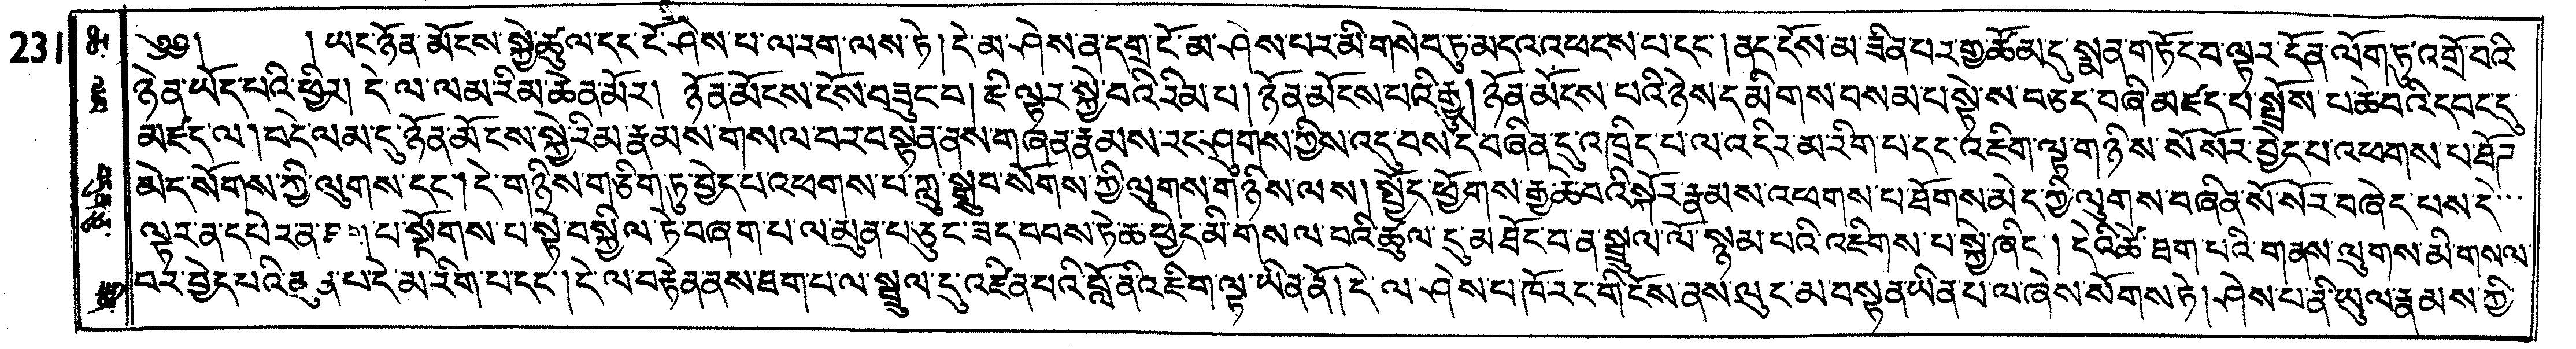༄༅། །ཡང་ཉོན་མོངས་སྐྱེ་ཚུལ་དང་ངོ་ཤེས་པ་ལ་རག་ལས་ཏེ། དེ་མ་ཤེས་ན་དགྲ་ངོ་མ་ཤེས་པར་མི་གསེབ་ཏུ་མདའ་འཕངས་པ་དང་། ནད་ངོས་མ་ཟིན་པར་གྱ་ཚོམ་དུ་སྨན་གཏོང་བ་ལྟར་དོན་ལོག་ཏུ་འགྲོ་བའི་
ཉེན་ཡོད་པའི་ཕྱིར། དེ་ལ་ལམ་རིམ་ཆེན་མོར། ཉོན་མོངས་ངོས་བཟུང་བ། ཇི་ལྟར་སྐྱེ་བའི་རིམ་པ། ཉོན་མོངས་པའི་རྒྱུ། ཉོན་མོངས་པའི་ཉེས་དམིགས་བསམ་པ་སྟེ་ས་བཅད་བཞི་མཛད་པ་སྤྲོས་པ་ཆེ་བའི་དབང་དུ་
མཛད་ལ། བདེ་ལམ་དུ་ཉོན་མོངས་སྐྱེ་རིམ་རྣམས་གསལ་བར་བསྟན་ནས་གཞན་རྣམས་རང་ཤུགས་ཀྱིས་འདུ་བས་དེ་བཞིན་དུ་འཁྲིད་པ་ལ་འདིར་མ་རིག་པ་དང་འཇིག་ལྟ་གཉིས་སོ་སོར་བྱེད་པ་འཕགས་པ་ཐོགས་
མེད་སོགས་ཀྱི་ལུགས་དང་། དེ་གཉིས་གཅིག་ཏུ་བྱེད་པ་འཕགས་པ་ཀླུ་སྒྲུབ་སོགས་ཀྱི་ལུགས་གཉིས་ལས། སྤྱོད་ཕྱོགས་རྒྱ་ཆེ་བའི་སྐོར་རྣམས་འཕགས་པ་ཐོགས་མེད་ཀྱི་ལུགས་བཞིན་སོ་སོར་བཞེད་པས་དེ་
ལྟར་ན་དཔེར་ན་ཐག་པ་སྡོགས་པ་སྟེ་བསྐྱིལ་ཏེ་བཞག་པ་ལ་མུན་པ་ཅུང་ཟད་བབས་ཏེ་ཆ་ཕྱེད་མི་གསལ་བའི་ཚུལ་དུ་མཐོང་བ་ན་སྦྲུལ་ལོ་སྙམ་པའི་འཇིགས་པ་སྐྱེ་ཞིང་། དེའི་ཚེ་ཐག་པའི་གནས་ལུགས་མི་གསལ་
བར་བྱེད་པའི་ནུན་པ་དེ་མ་རིག་པ་དང་། དེ་ལ་བརྟེན་ནས་ཐག་པ་ལ་སྦྲུལ་དུ་འཛིན་པའི་བློ་ནི་འཇིག་ལྟ་ཡིན་ནོ། དེ་ལ་ཤེས་པ་ཁོ་རང་གི་ངོས་ནས་ལུང་མ་བསྟན་ཡིན་པ་ལ་ཞེས་སོགས་ཏེ། ཤེས་པ་ནི་ཡུལ་རྣམས་ཀྱི་